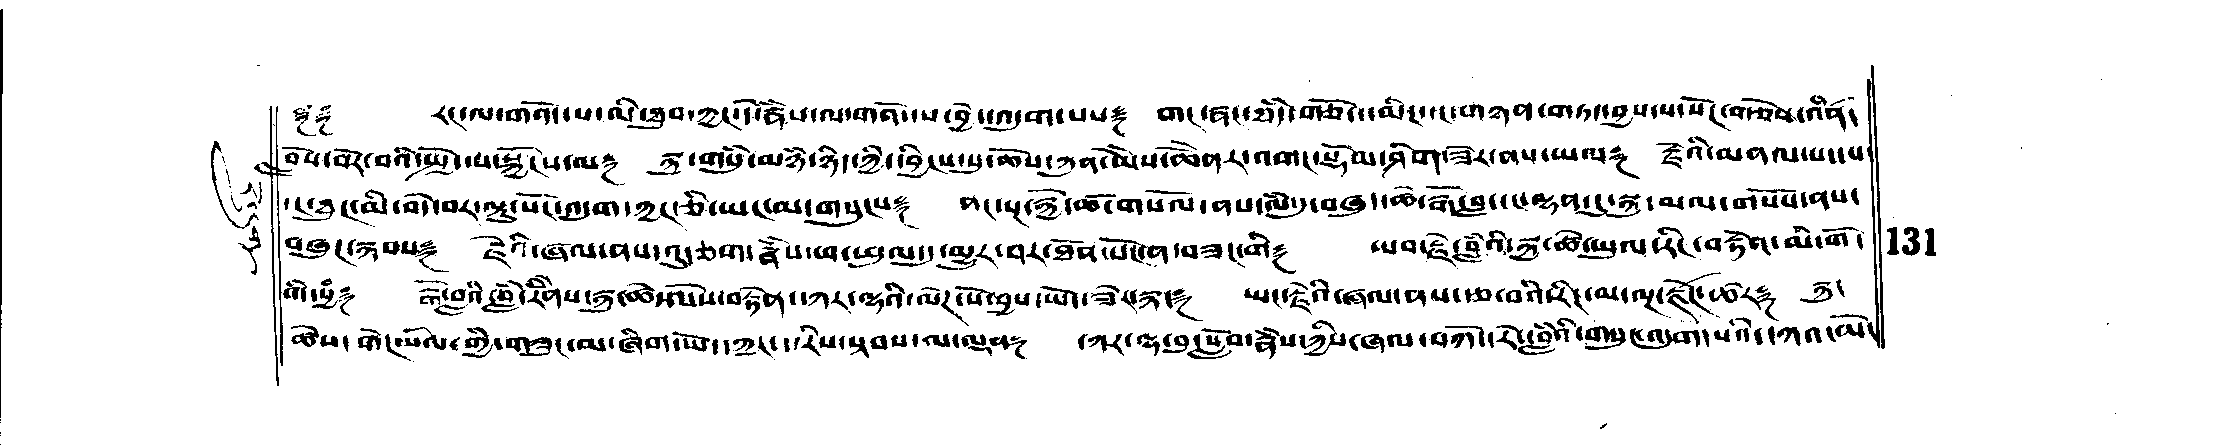རང་ལ་གནོད་པ་མི་ཐུབ་ཀྱང་དེ་རྣམས་ལ་གནོད་པ་བྱེད་འདུག་པས། གང་སྣང་ཐམས་ཅད་གཅོད་དམིགས་དང་གཉན་གཏད་བྱས་པ་སོགས་གཅེས་འཛིན་
བློས་བོར་བའི་སྤྱོད་པ་སྐྱོངས་ལ། སྐུ་གསུམ་མཉམ་ཉིད་ཀྱི་དབྱིངས་སུ་ཆོས་ཀུན་ཡེ་ཤེས་ཆེན་པོར་འགགས་སྡོམ་ཤིག་ཟེར་ནས་ཡལ། རྗེའི་མནལ་སད་པ་
དང་ཐུགས་མི་བདེ་བར་ལྟ་བུ་སོང་འདུག་ཀྱང་ཅི་ཡང་མ་གསུངས། ནངས་སྔ་སྐྱོ་ཚ་གསོལ་ནས་ལམ་དུ་བཞུད་ཚེ་སྒོ་བླ་དང་ལྷན་དུ་སྐུ་མལ་གསོས་ནས་
བཞུགས་སྐབས། རྗེའི་ཞལ་ནས་འུ་ཅག་རྣམས་ཕ་ཡུལ་དུ་མྱུར་བར་ཐོན་སོང་ན་བཟང་གི། ཡབ་རྗེ་བླ་མའི་སྐུ་ཚེ་ཡུན་རིང་བརྟན་མི་གོ་
གི་གསུངས། སྒོ་བླའི་བླ་མ་རིན་པོ་ཆེ་ནས་སྐུ་ཚེ་ལོས་བརྟན་དཀར་ལྷའི་ལེགས་སོ་བྱས་ཡོད་ཟེར་སྐད། ཡང་རྗེའི་ཞལ་ནས་རྩ་བའིརིག་མ་ལྔ་རྫོགས་ཚར། སྐུ་
ཚེའི་གེགས་སེལ་གྱི་གཟུངས་མ་ཞིག་ཡོད་ཀྱང་ད་རིས་སྟབས་མ་ལྡན། དཀར་ལྷ་བུ་སློབ་རྣམས་ཀྱིས་ཞལ་བཀོད་རེད་བླ་མའི་༼མས་?༽གསུང་འདུག་པའི་༼པས?༽དཀའ་མོ་